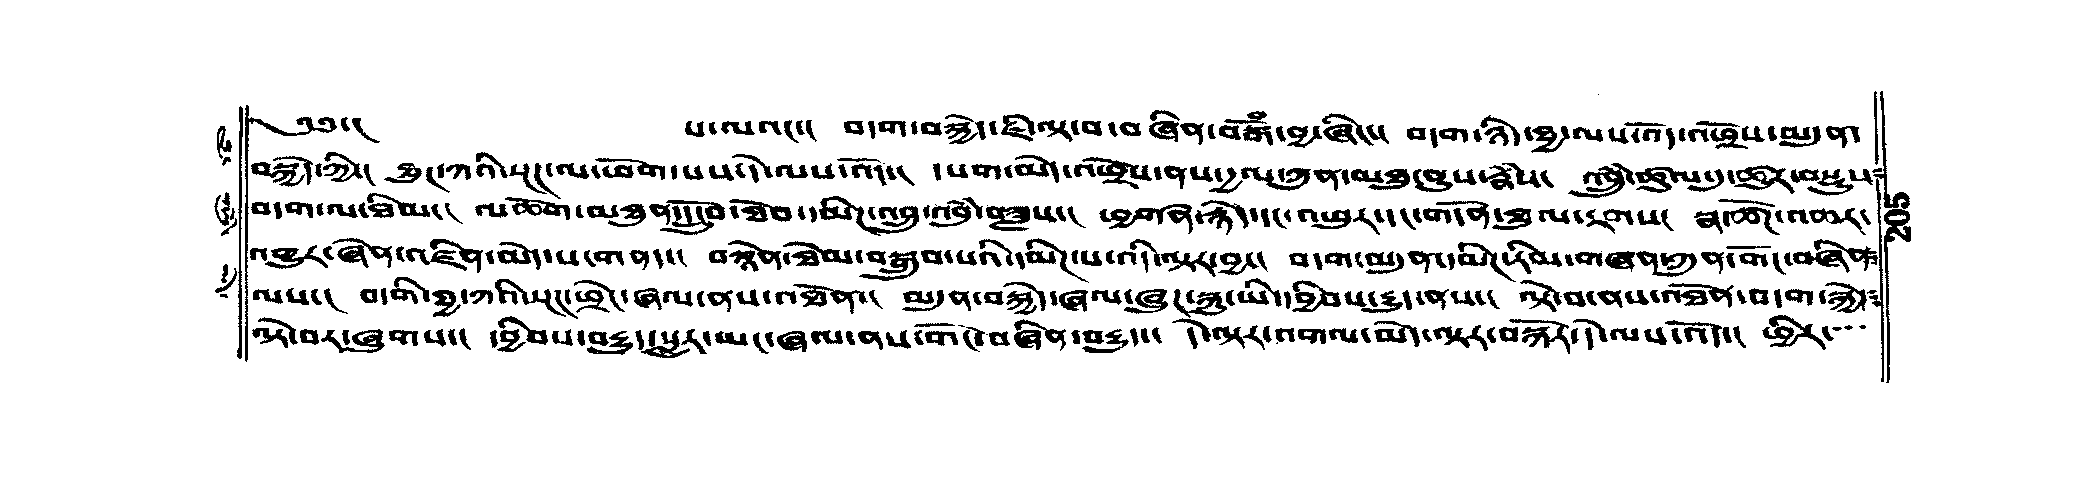པ་ལའང་། བདག་བསྐྱེད་ཇི་ལྟ་བ་བཞིན་བསྒོམ་བྱ་ཞིང་། བདག་ཉིད་ཐུགས་ལས་འོད་འཕྲོས་མདུན་
བསྐྱེད་ཀྱི། ཐུགས་ཀའི་སྔགས་ལ་ཕོག་པས་དེ་ལས་འོད། དཔག་མེད་འཕྲོས་ནས་རྒྱལ་ཀུན་མཐུ་ནུས་རྣམས། འབྲུམ་ཚུལ་དུ་ཚུར་བསྡུས་
བདག་ལ་ཐིམ། མཆོག་མཐུན་དངོས་གྲུབ་ཐོབ་དམིགས་འབྲུ་འབུམ་བཟླས། ཕྱག་མཚན་རྙེད་དང་འཕུར་དང་གདོན་ཐུལ་རྟགས། སྣ་ཚོགས་འཆར་
འགྱུར་ཞེན་འཛིན་མེད་པ་གནང་། བསྙེན་ཐེམ་བསྒྲུབ་པའི་དམིགས་པ་འདི་ལྟར་བྱ། བདག་མདུན་དམིགས་རིམ་གཞན་ཀུན་གོང་བཞིན་
ལས། བདག་གི་ཐུགས་ཀའི་སྔགས་ཕྲེང་ཞལ་ནས་འཐོན། མདུན་བསྐྱེད་ཞལ་ཞུགས་སྐུ་ཡི་དབྱིབས་རྒྱུད་ནས། ལྟེ་བ་ནས་འཐོན་བདག་སྐྱེད་
ལྟེ་བར་ཞུགས། དབྱིབས་བརྒྱུད་སླར་ཡང་ཞལ་ནས་གོང་བཞིན་བརྒྱུད། དེ་ལྟར་འགལ་མེད་ལྟར་བསྐོར་དེ་ལས་འོད། ཕྱིར་